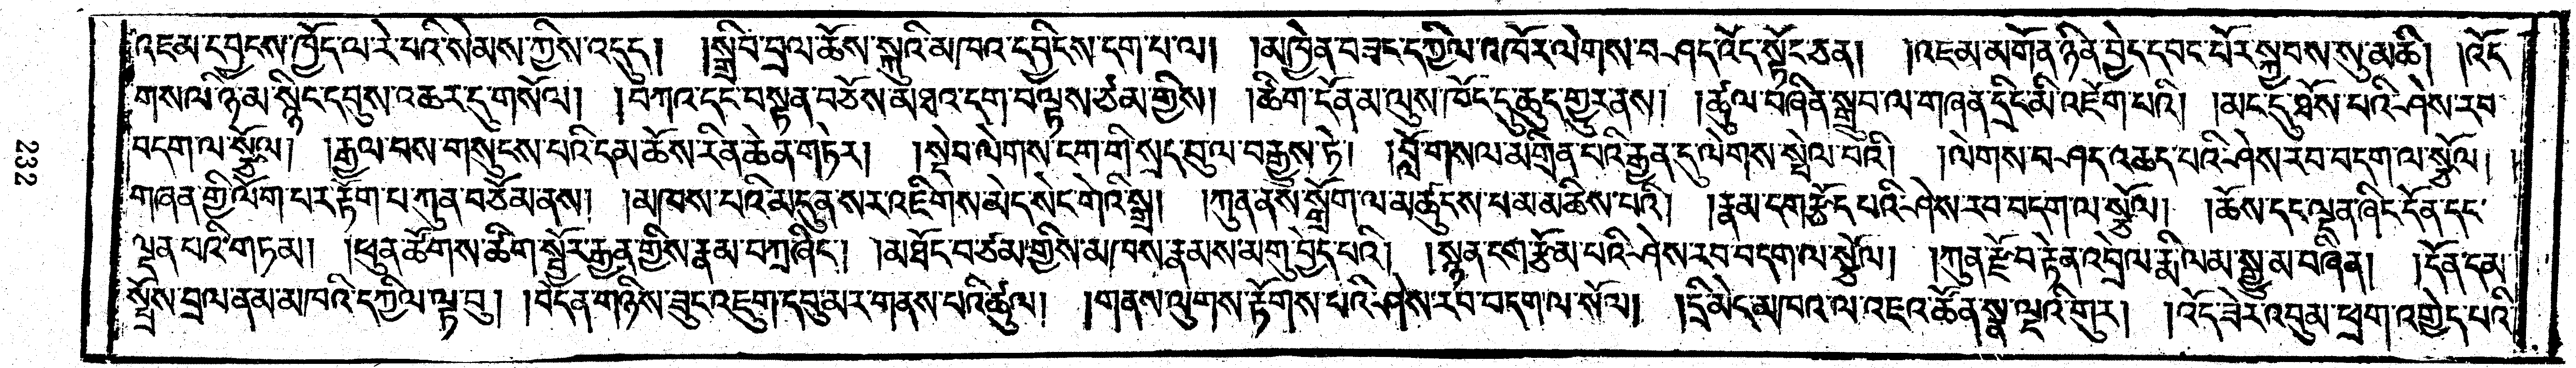འཇམ་དབྱངས་ཁྱོད་ལ་རེ་པའི་སེམས་ཀྱིས་འདུད། །སྒྲིབ་བྲལ་ཆོས་སྐུའི་མཁའ་དབྱིངས་དག་པ་ལ། །མཁྱེན་བཟང་དཀྱིལ་འཁྲོ་ལེགས་བཤད་འོད་སྟོང་ཅན། །འཇམ་མགོན་ཉིན་བྱེད་དབང་པོར་སྐྱབས་སུ་མཆི། །འོད་
གསལ་ཉི་མ་སྙིང་དབུས་འཆར་དུ་གསོལ། །བཀའ་དང་བསྟན་བཅོས་མཐའ་དག་བལྟས་ཙམ་གྱིས། །ཚིག་དོན་མ་ལུས་ཁོང་དུ་ཆུད་གྱུར་ནས། །ཚུལ་བཞིན་སྒྲུབ་ལ་གཞན་དྲིང་མི་འཇོག་པའི། །མང་དུ་ཐོས་པའི་ཤེས་རབ་
བདག་ལ་སྩོལ། །རྒྱལ་བས་གསུངས་པའི་དམ་ཆོས་རིན་ཆེན་གཏེར། །སྡེབ་ལེགས་ངག་གི་སྲང་བུ་ལ་བརྒྱུས་ཏེ། །བློ་གསལ་མགྲིན་པའི་རྒྱན་དུ་ལེགས་སྤེལ་བའི། །ལེགས་བཤད་འཆད་པའི་ཤེས་རབ་བདག་ལ་སྩོལ།
གཞན་གྱི་ལོག་པར་རྟོག་པ་ཀུན་བཅོམ་ནས། །མཁས་པའི་མདུན་སར་འཇིགས་མེད་སེང་གེའི་སྒྲ། །ཀུན་ནས་སྒྲོག་ལ་མཚུངས་པ་མ་མཆིས་པའི། །རྣམ་དག་རྩོད་པའི་ཤེས་རབ་བདག་ལ་སྩོལ། །ཆོས་དང་ལྡན་ཞིང་དོན་དང་
ལྡན་པའི་གཏམ། །ཕུན་ཚོགས་ཚིག་སྦྱོར་རྒྱན་གྱིས་རྣམ་བཀྲ་ཞིང་། །མཐོང་བ་ཙམ་གྱིས་མཁས་རྣམས་མགུ་བྱེད་པའི། །སྙན་ངག་རྩོམ་པའི་ཤེས་རབ་བདག་ལ་སྩོལ། །ཀུན་རྫོབ་རྟེན་འབྲེལ་རྨི་ལམ་སྒྱུ་མ་བཞིན། །དོན་དམ་
སྤྲོས་བྲལ་ནམ་མཁའི་དཀྱིལ་ལྟ་བུ། །བདེན་གཉིས་ཟུང་འཇུག་དབུ་མར་གནས་པའི་ཚུལ། །གནས་ལུགས་རྟོགས་པའི་ཤེས་རབ་བདག་ལ་སོལ། །དྲི་མེད་མཁའ་ལ་འཇའ་ཚོན་སྣ་ལྔའི་གུར། །འོད་ཟེར་འབུམ་ཕྲག་འགྱེད་པའི་